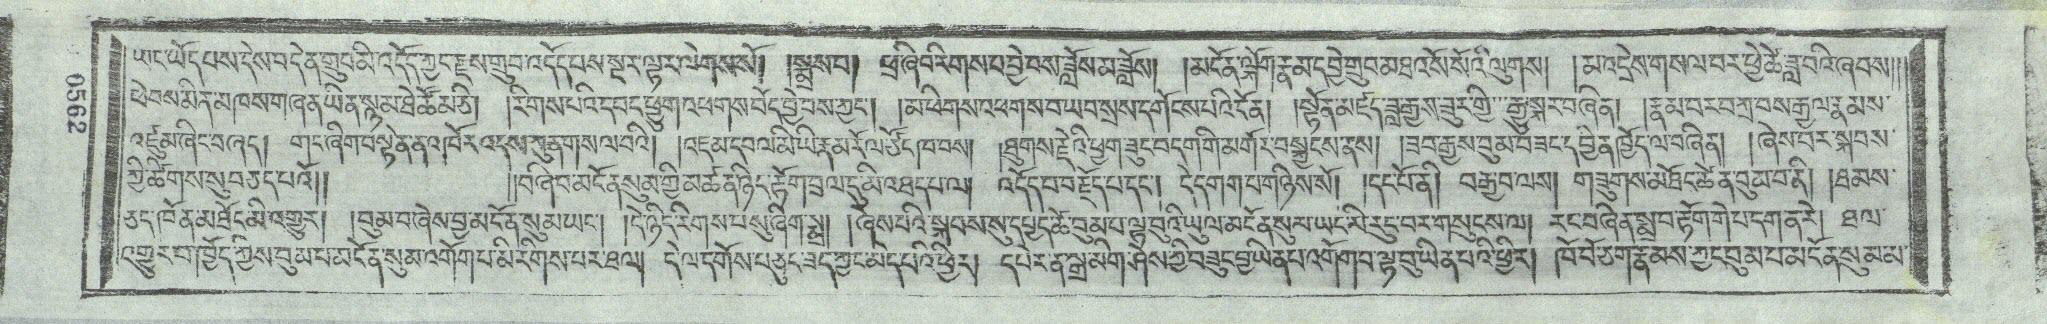ཡང་ཡོད་པས་དེས་བདེན་གྲུབ་མི་འདོད་ཀྱང་རྫས་གྲུབ་འདོད་པས་སྔར་ལྟར་ལེགས་སོ། །སྨྲས་པ། ཕྲ་ཞིབ་རིགས་པ་བྱེ་བས་ཟློས་མ་ཟློས། །མངོན་ལྐོག་རྣམ་དབྱེ་གྲུབ་མཐའ་སོ་སོའི་ལུགས། །མ་འདྲེས་གསལ་བར་ཕྱེ་ཚེ་ཟླ་བའི་ཞབས།།
ཕེབས་མིན་མཁས་གཞན་ཡིན་སྙམ་ཐེ་ཚོམ་ཅི། །རིགས་པའི་དབང་ཕྱུག་འཕགས་བོད་བྱེ་བས་ཀྱང་། །མ་ཕིགས་འཕགས་པ་ཡབ་སྲས་དགོངས་པའི་དོན། །སྟོན་མཛད་ཟླ་རྒྱས་ཟུར་གྱི་རྒྱུ་སྐར་བཞིན། །རྣམ་པར་བཀྲ་བས་རྒྱལ་རྣམས་
འཛུམ་ཞིང་བཞད། གང་ཞིག་བསྟེན་ན་འཁོར་འདས་ཀུན་གསལ་བའི། །འཇམ་དཔལ་མི་ཡི་རྣམ་རོལ་ཙོང་ཁ་བས། །ཐུགས་རྗེའི་ཕྱག་ཟུང་བདག་གི་མགོར་བསྐྱངས་ནས། །ཟབ་རྒྱས་བུམ་བཟང་དབྱིན་ཁྱོད་ལ་བཞིན། །ཞེས་པར་སྐབས་
ཀྱི་ཚིགས་སུ་བཅད་པའོ།། །།བཞི་པ་མངོན་སུམ་གྱི་མཚན་ཉིད་རྟོག་བྲལ་དུ་མི་འཐད་པ་ལ། འདོད་པ་བརྗོད་པ་དང་། དེ་དགག་པ་གཉིས་སོ། །དང་པོ་ནི། བརྒྱ་བ་ལས། གཟུགས་མཐོང་ཚེ་ན་བུམ་པ་ནི། །ཐམས་
ཅད་ཁོ་ན་མཐོང་མི་འགྱུར། །བུམ་པ་ཞེས་བྱ་མངོན་སུམ་ཡང་། །དེ་ཉིད་རིགས་པ་སུ་ཞིག་སྨྲ། །ཞེས་པའི་སྐབས་སུ་དཔྱད་ཚེ་བུམ་པ་ལྟ་བུའི་ཡུལ་མངོན་སུམ་ཡང་མི་རུང་བར་གསུངས་ལ། རང་བཞིན་སྨྲ་བ་རྟོག་གེ་པ་དག་ན་རེ། ཐལ་
འགྱུར་པ་ཁྱོད་ཀྱིས་བུམ་པ་མངོན་སུམ་འགོག་པ་མི་རིགས་པར་ཐལ། དེ་ལ་དགོས་པ་ཅུང་ཟད་ཀྱང་མེད་པའི་ཕྱིར། དཔེར་ན་སྒྲ་མིག་ཤེས་ཀྱི་བཟུང་བྱ་ཡིན་པ་འགོག་པ་ལྟ་བུ་ཡིན་པའི་ཕྱིར། ཁོ་བོ་ཅག་རྣམས་ཀྱང་བུམ་པ་མངོན་སུམ་མ་